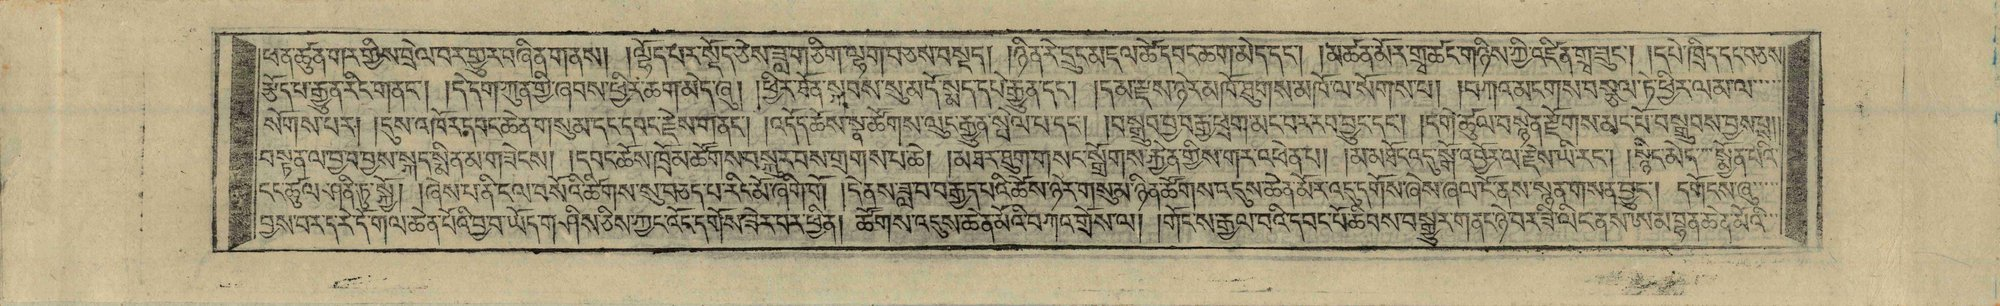ཕན་ཚུན་གར་གྱིས་བྲེལ་བར་གྱུར་བཞིན་གནས། །ལྷོད་པར་སྡོད་ཅེས་ཟླ་གཅིག་ལྷག་བཅས་བསྡད། །ཉིན་རེ་དྲུང་མཇལ་ཚེ་དབང་ཆག་མེད་དང་། །མཚན་མོར་གྲྭ་ཚང་གཉིས་ཀྱི་འཛིན་གྲྭ་ཟུང་། །དཔེ་ཁྲིད་དང་བཅས་
རྩོད་པ་རྒྱུན་རིང་གནང་། །དེ་དག་ཀུན་གྱི་ཞབས་ཕྱིར་ཆག་མེད་ཞུ། །ཕྱིར་ཐོན་སྐབས་སུ་མདོ་སྨད་དཔེ་རྒྱུན་དང་། །དམ་རྫས་ཉེར་མཁོ་ཐུགས་མཁོ་ལ་སོགས་པ། །བཀའ་མངགས་བསྩལ་ཏེ་ཕྱིར་ལམ་ལ་
སོགས་པར། །དུས་འཁོར་དབང་ཆེན་གསུམ་དང་དབང་རྗེས་གནང་། །འདོད་ཆོས་སྣ་ཚོགས་ལུང་རྒྱུན་སྤེལ་བ་དང་། །བསྒྲུབ་བྱ་བརྒྱ་ཕྲག་མང་བར་རབ་བྱུང་དང་། །དགེ་ཚུལ་བསྙེན་རྫོགས་མང་པོ་བསྒྲུབས་བྱས་པས། །
བསྟན་ལ་བྱ་བ་བྱས་སྐད་སྨིན་མ་གཟེངས། །དབང་ཆོས་ཁྲོམ་ཚོགས་བསྐུར་བས་གྲགས་པ་ཆེ། །མཐར་ཐུག་གསང་སྒྲོགས་རྐྱེན་གྱིས་གར་འཕེན་པ། །མ་མཐོང་འདུ་སྒོ་འབྱོར་ལ་རྗེས་ཡི་རང་། །སྙིང་མེད་སྨྱོན་པའི་
ངང་ཚུལ་ཤིན་ཏུ་སྐྱོ། །ཞེས་པ་ནི་ངལ་བསོའི་ཚིགས་སུ་བཅད་པ་རིང་མོ་ཞིག་གོ །དེ་ནས་ཟླ་བ་བརྒྱད་པའི་ཚེས་ཉེར་གསུམ་ཉིན་ཚོགས་འདུས་ཆེན་མོར་འདུ་དགོས་ཞེས་ཞལ་ངོ་ནས་སྙན་གསན་བྱུང་། དགོངས་ཞུ་
བྱས་པར་ད་རེ་དོ་གལ་ཆེན་པོའི་བྱ་བ་ཡོད་གཤིས་ཅིས་ཀྱང་འོང་དགོས་ཟེར་བར་ཕྱིན། ཚོགས་འདུས་ཆེན་མོའི་བཀའ་གྲོས་ལ། །གོང་ས་རྒྱལ་བའི་དབང་པོ་ཆིབས་བསྒྱུར་གནང་ཉེ་བར་ཟི་ལིང་ནས་ཨམ་བྷན་ཆེན་མོའི་